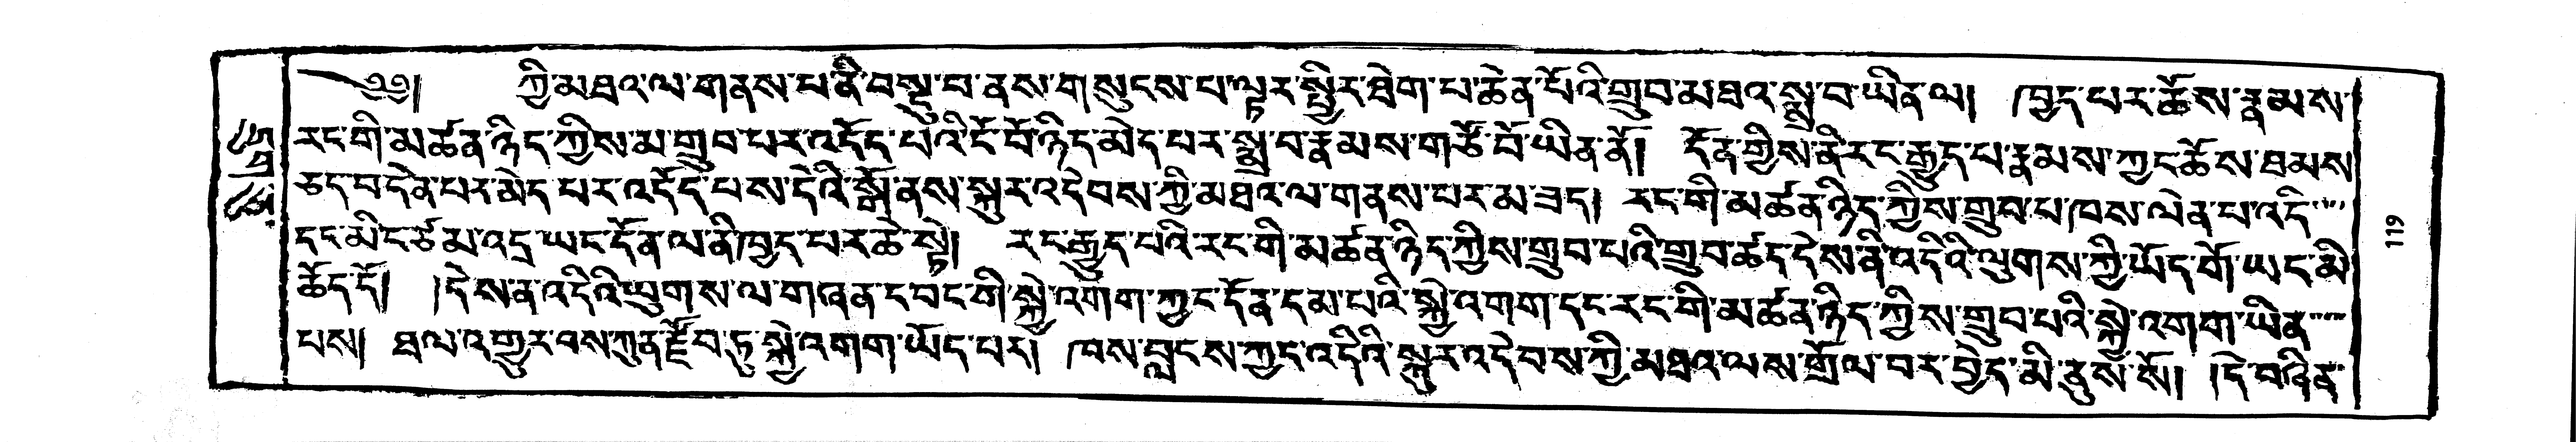༄༅། །ཀྱི་མཐའ་ལ་གནས་པ་ནི་བསྡུ་བ་ནས་གསུངས་པ་ལྟར་སྤྱིར་ཐེག་པ་ཆེན་པོའི་གྲུབ་མཐའ་སྨྲ་བ་ཡིན་ལ། ཁྱད་པར་ཆོས་རྣམས་
རང་གི་མཚན་ཉིད་ཀྱིས་མ་གྲུབ་པར་འདོད་པའི་ངོ་བོ་ཉིད་མེད་པར་སྨྲ་བ་རྣམས་གཙོ་བོ་ཡིན་ནོ། དོན་གྱིས་ནི་རང་རྒྱུད་པ་རྣམས་ཀྱང་ཆོས་ཐམས་
ཅད་བདེན་པར་མེད་པར་འདོད་པས་དེའི་སྒོ་ནས་སྐུར་འདེབས་ཀྱི་མཐའ་ལ་གནས་པར་མ་ཟད། རང་གི་མཚན་ཉིད་ཀྱིས་གྲུབ་པ་ཁས་ལེན་པ་འདི་
དང་མིང་ཙམ་འདྲ་ཡང་དོན་ལ་ནི་ཁྱད་པར་ཆེ་སྟེ། རང་རྒྱུད་པའི་རང་གི་མཚན་ཉིད་ཀྱིས་གྲུབ་པའི་གྲུབ་ཚད་དེས་ནི་འདིའི་ལུགས་ཀྱི་ཡོད་གོ་ཡང་མི་
ཆོད་དོ། །དེས་ན་འདིའི་ཡུགས་ལ་གཞན་དབང་གི་སྐྱེ་འགག་ཀྱང་དོན་དམ་པའི་སྐྱེ་འགག་དང་རང་གི་མཚན་ཉིད་ཀྱིས་གྲུབ་པའི་སྐྱེ་འགག་ཡིན་
པས། ཐལ་འགྱུར་བས་ཀུན་རྫོབ་ཏུ་སྐྱེ་འགག་ཡོད་པར། ཁས་བླངས་ཀྱང་འདིའི་སྐུར་འདེབས་ཀྱི་མཐའ་ལས་གྲོལ་བར་བྱེད་མི་ནུས་སོ། །དེ་བཞིན་